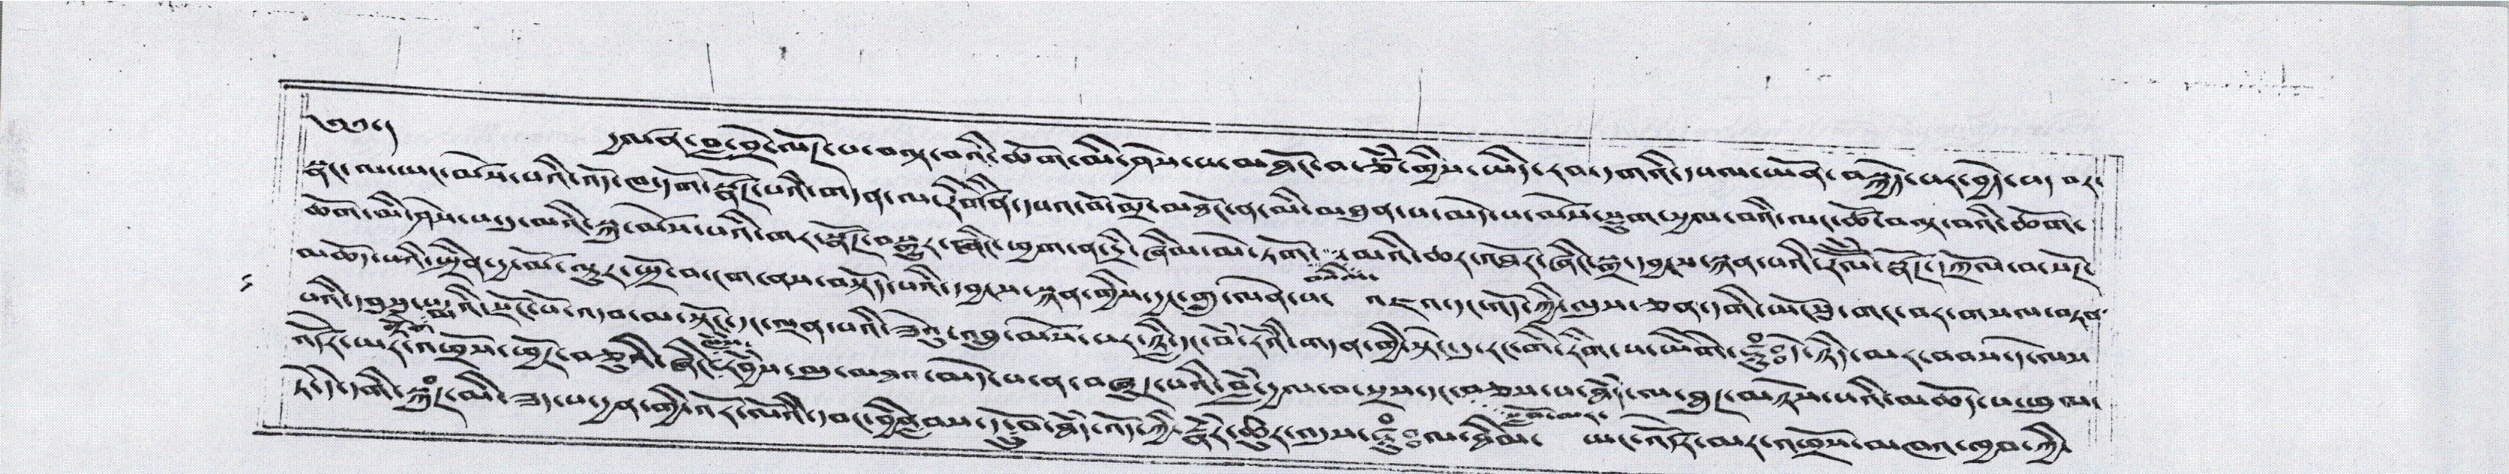རྒྱལ་མཚན་བླ་བྲེ་ལ་སོགས་པ་ལྟ་བས་ཆོག་མི་ཤེས་པ་མཐོང་བ་ཙམ་གྱིས་ཡིད་རབ་དགའི་དཔལ་ཡོན་བསྐྱེད་པར་བྱེད་པ། བར་
སྣང་ལའ་མཛེས་པའི་འོད་ཁ་དོག་སྣ་ཚོགས་པའི་རྒྱན་གདན་ལ་རིག་འཛིན་དཔའ་བོ་མཁའ་འགྲོ་མཐོང་ན་མི་མཐུན་པ་མེད་པ་མཛེས་སྡུག་གསལ་བའི་ལང་ཚོ་ལྟ་བས་ཆོག་
ཆོག་མི་ཤེས་པ་དུ་མའི་སྐུ་མཛེས་པའི་གར་སྣ་ཚོགས་བསྒྱུར་ཞིང་། ཕྱག་ན་དྲི་ཞིམ་མེ་ཏོག་སིལ་མའི་ཆར་འཐོར་ཞིང་། སྒྲ་དབྱངས་སྙན་པའི་རོལ་མོ་སྣ་ཚོགས་བཀྲོལ་བ་སོགས། 
མཆོད་པའི་སྤྲིན་རྒྱ་མཚོ་ལྟ་བུར་སྤྲོ་བ། ངག་ནས་བསྟོད་པའི་དབྱངས་སྙན་གྱིས་རྒྱང་གླུ་ལེན་པ་འཇའ་དང་འོད་ཀྱི་ལུས་ཅན་གྱིས་ཡོངས་སུ་གང་བར་གསལ་བཏབ་
པའི་དབུས་སུ་པདྨའི་སྡོང་པོ་འདབ་མ་སྟོང་དང་ལྡན་པའི་ཟེའུ་འབྲུ་མཛེས་པར་ཉི་ཟླ་དང་བམ་རོའི་གདན་གྱི་སྟེང་དུ་རང་གི་རིག་པ་ཡི་གེ་ཧཱུཾ་དེ་ཉིད་མར་བབས། དེ་ལས་
འོད་ཟེར་ཡར་འཕྲོས་པས་ཕྱོགས་བཅུའི་ཞིང་ཁམས་རབ་འབྱམས་མུ་མཐའ་མེད་པ་ན་བཞུགས་པའི་བླ་མ་རྒྱལ་བ་སྲས་དང་སློབ་མར་བཅས་པ་ཐམས་ཅད་ལ་ཐུགས་མཉེས་པའི་མཆོད་པ་ཕུལ་
ཏེ། དེ་དག་གི་སྐུ་གསུང་ཐུགས་མི་བཟད་རྒྱན་གྱི་འཁོར་ལོའི་དབང་བྱིན་རླབས་དངོས་གྲུབ་ཐམས་ཅད་འོད་ཀྱི་རྣམ་པར་ཚུར་འདུས་ཧཱུཾ་ལ་ཐིམ། ཡང་འོད་ཟེར་མར་འཕྲོས་པས་མཁའ་ཁྱབ་ཀྱི་